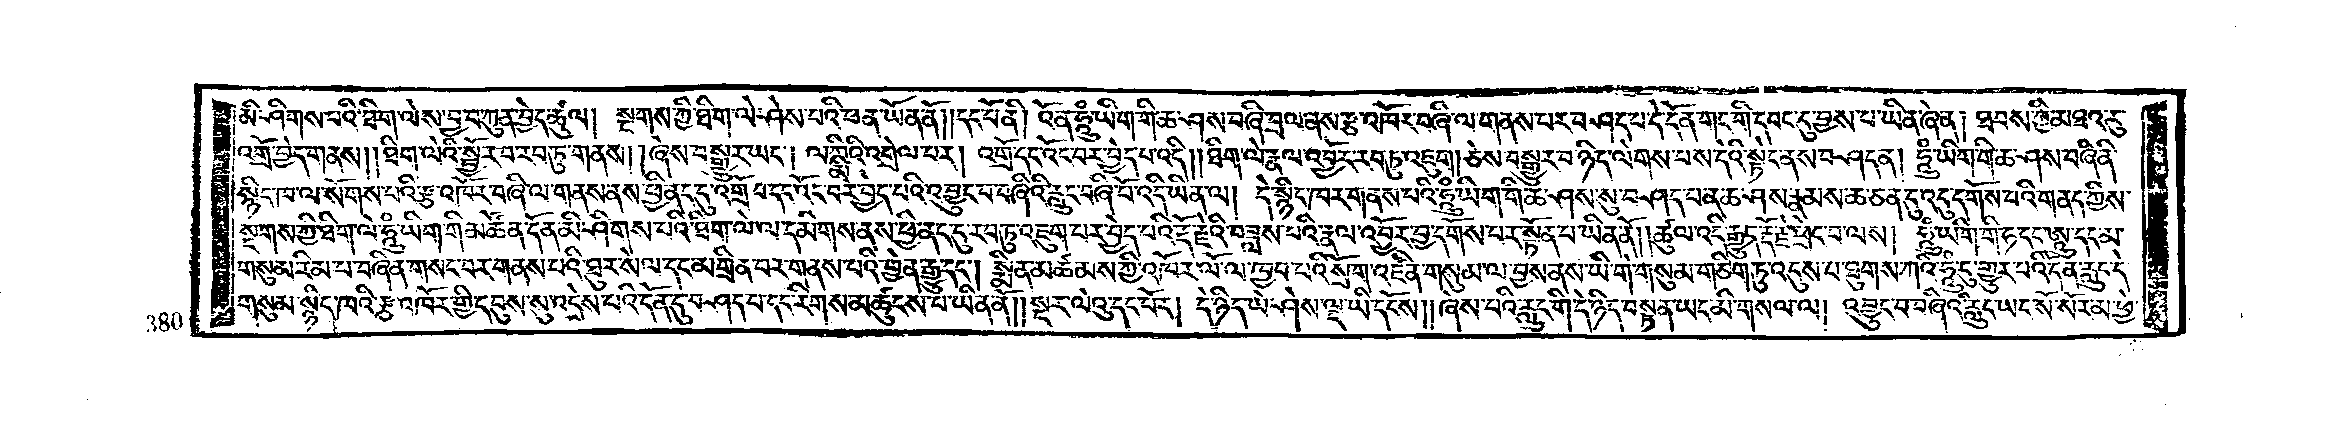མི་ཤིགས་པའི་ཐིག་ལེས་བྱ་བ་ཀུན་བྱེད་ཚུལ། སྔགས་ཀྱི་ཐིག་ལེ་ཤེས་པའི་ཕན་ཡོན་ནོ། །དང་པོ་ནི། འོ་ན་ཧཱུཾ་ཡིག་གི་ཆ་ཤས་བཞི་བྲལ་ནས་རྩ་འཁོར་བཞི་ལ་གནས་པར་བཤད་པ་དེ་དོན་གང་གི་དབང་དུ་བྱས་པ་ཡིན་ཞེ་ན། ཐབས་ཀྱི་མཐའ་རུ་
འགྲོ་བྱེད་གནས། །ཐིག་ལེའི་སྦྱོར་བ་རབ་ཏུ་གནས། །ཞེས་བསྒྱུར་ཡང་། ལཀྵྨཱིའི་འགྲེལ་པར། འགྲོ་དང་འོང་བར་བྱེད་པ་འདི། །ཐིག་ལེ་རྣལ་འབྱོར་རབ་ཏུ་འཇུག །ཅེས་བསྒྱུར་བ་ཉིད་ལེགས་པས་དེའི་སྟེང་ནས་བཤད་ན། ཧཱུཾ་ཡིག་གི་ཆ་ཤས་བཞི་ནི་
སྙིང་ཁ་ལ་སོགས་པའི་རྩ་འཁོར་བཞི་ལ་གནས་ནས་ཕྱི་ནང་དུ་འགྲོ་བ་དང་འོང་བར་བྱེད་པའི་འབྱུང་བ་བཞིའི་རླུང་བཞི་པོ་འདི་ཡིན་ལ། དེ་སྙིང་ཁར་གནས་པའི་ཧཱུཾ་ཡིག་གི་ཆ་ཤས་སུ་བཤད་པ་ན་ཆ་ཤས་རྣམས་ཆ་ཅན་དུ་འདུ་དགོས་པའི་གནད་ཀྱིས་
སྔགས་ཀྱི་ཐིག་ལེ་ཧཱུཾ་ཡིག་གི་མཚོན་དོན་མི་ཤིགས་པའི་ཐིག་ལེ་ལ་དམིགས་ནས་ཕྱི་ནང་དུ་རབ་ཏུ་འཇུག་པར་བྱེད་པའི་རྡོ་རྗེའི་བཟླས་པའི་རྣལ་འབྱོར་བྱ་དགོས་པར་སྟོན་པ་ཡིན་ནོ། །ཚུལ་འདི་རྒྱུད་རྡོ་རྗེ་ཕྲེང་བ་ལས། ཧཱུཾ་ཡིག་གི་ཧ་དང་ཨཱུ་དང་མ་
གསུམ་རིམ་པ་བཞིན་གསང་བར་གནས་པའི་ཐུར་སེལ་དང་མགྲིན་པར་གནས་པའི་གྱེན་རྒྱུ་དང་། སྨིན་མཚམས་ཀྱི་འཁོར་ལོ་ལ་ཁྱབ་པའི་སྲོག་འཛིན་གསུམ་ལ་བྱས་ནས་ཡི་གེ་གསུམ་གཅིག་ཏུ་འདུས་པ་ཐུགས་ཀའི་ཧཱུཾ་དུ་གྱུར་པའི་དོན་རླུང་དེ་
གསུམ་སྙིང་ཁའི་རྩ་འཁོར་གྱི་དབུས་སུ་འདྲེས་པའི་དོན་དུ་བཤད་པ་དང་རིགས་མཚུངས་པ་ཡིན་ནོ། །སྔར་ལེའུ་དང་པོར། དེ་ཉིད་ཡེ་ཤེས་ལྔ་ཡི་དངོས། །ཞེས་པའི་རླུང་གི་དེ་ཉིད་བསྟན་ཡང་མི་གསལ་ལ། འབྱུང་བ་བཞིའི་རླུང་ཡང་སོ་སོར་མ་ཕྱེ་